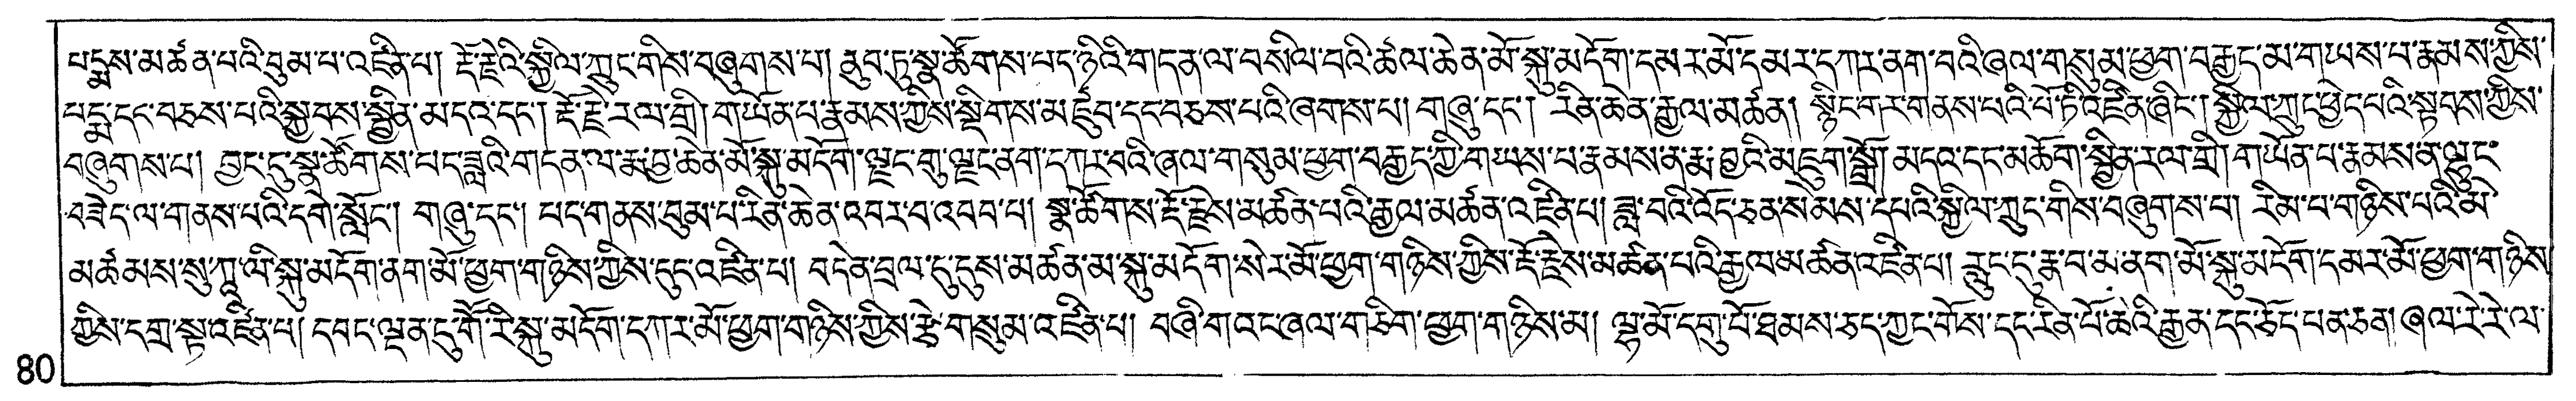པདམས་མཚན་པའི་བུམ་པ་འཛིན་པ། རྡོ་རྗེའི་སྐྱིལ་ཀྲུང་གིས་བཞུགས་པ། ནུབ་ཏུ་སྣ་ཚོགས་པད་ཉིའི་གདན་ལ་བསིལ་བའི་ཚལ་ཆེན་མོ་སྐུ་མདོག་དམར་མོ་དམར་དཀར་ནག་བའི་ཞལ་གསུམ་ཕྱག་བརྒྱད་མ་གཡས་པ་རྣམས་ཀྱིས་
པདམ་དང་བཅས་པའི་སྐྱབས་སྦྱིན་མདའ་དང་། རྡོ་རྗེ་རལ་གྲི། གཡོན་པ་རྣམས་ཀྱིས་སྡིགས་མཛུབ་དང་བཅས་པའི་ཞགས་པ། གཞུ་དང་། རིན་ཆེན་རྒྱལ་མཚན། སྙིང་གར་གནས་པའི་པོ་ཏི་འཛིན་ཞིང་། སྐྱིལ་ཀྲུང་ཕྱེད་པའི་སྟབས་ཀྱིས་
བཞུགས་པ། བྱང་དུ་སྣ་ཚོགས་པད་ཟླའི་གདན་ལ་རྨ་བྱ་ཆེན་མོ་སྐུ་མདོག་ལྗང་གུ་ལྗང་ནག་དཀར་བའི་ཞལ་གསུམ་ཕྱག་བརྒྱད་ཀྱི་གཡས་པ་རྣམས་ན་རྨ་བྱའི་མཇུག་སྒྲོ། མདའ་དང་མཆོག་སྦྱིན་རལ་གྲི། གཡོན་པ་རྣམས་ན་ལྷུང་
བཟེད་ལ་གནས་པའི་དགེ་སློང་། གཞུ་དང་། པད་གནས་བུམ་པ་རིན་ཆེན་འབར་བ་འབབ་པ། སྣ་ཚོགས་རྡོ་རྗེས་མཚན་པའི་རྒྱལ་མཚན་འཛིན་པ། ཟླ་བའི་འོད་ཅན་སེམས་དཔའི་སྐྱིལ་ཀྲུང་གིས་བཞུགས་པ། རིམ་པ་གཉིས་པའི་མེ་
མཚམས་སུ་ཀཱ་ལི་སྐུ་མདོག་ནག་མོ་ཕྱག་གཉིས་ཀྱིས་དུད་འཛིན་པ། བདེན་བྲལ་དུ་དུས་མཚན་མ་སྐུ་མདོག་སེར་མོ་ཕྱག་གཉིས་ཀྱིས་རྡོ་རྗེས་མཚན་པའི་རྒྱལ་མཚན་འཛིན་པ། རླུང་དུ་རྣ་བ་མ་ནག་མོ་སྐུ་མདོག་དམར་མོ་ཕྱག་གཉིས་
ཀྱིས་དགྲ་སྟ་འཛིན་པ། དབང་ལྡན་དུ་གཽ་རི་སྐུ་མདོག་དཀར་མོ་ཕྱག་གཉིས་ཀྱིས་རྩེ་གསུམ་འཛིན་པ། བཞི་གའང་ཞལ་གཅིག་ཕྱག་གཉིས་མ། ལྷ་མོ་དགུ་པོ་ཐམས་ཅད་ཀྱང་གོས་དང་རིན་པོ་ཆེའི་རྒྱན་དང་ཅོད་པན་ཅན། ཞལ་རེ་རེ་ལ་